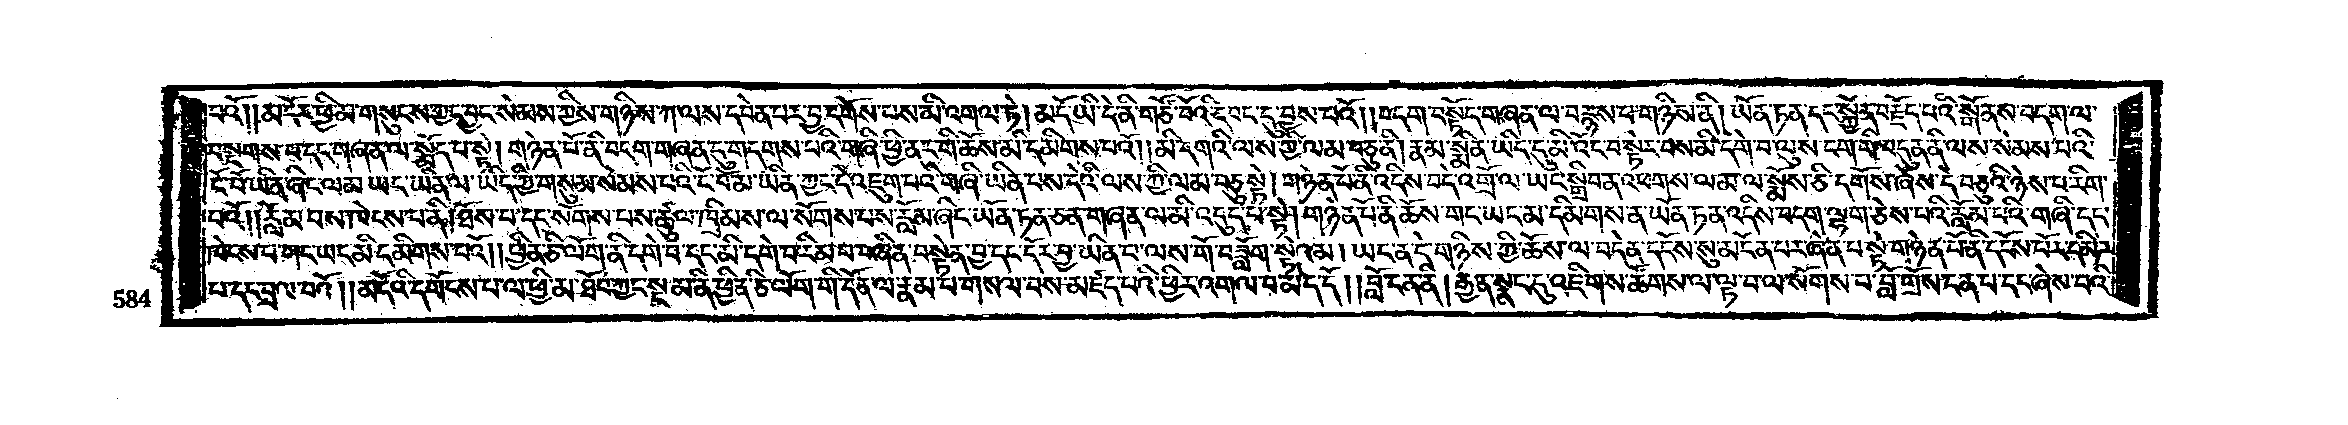པའོ། །མདོར་ཕྱི་མ་གསུངས་ཀྱང་བྱང་སེམས་ཀྱིས་གཉིས་ཀ་ལས་དབེན་པར་བྱ་དགོས་པས་མི་འགལ་ཏེ། མདོ་ཡི་དེ་ནི་གཙོ་བོའི་དབང་དུ་བྱས་པའོ། །བདག་བསྟོད་གཞན་ལ་བརྙས་པ་གཉིས་ནི། ཡོན་ཏན་དང་སྐྱོན་བརྗོད་པའི་སྒོ་ནས་བདག་ལ་
བསྔགས་པ་དང་གཞན་ལ་སྨོད་པ་སྟེ། གཉེན་པོ་ནི་བདག་གཞན་དུ་གདགས་པའི་གཞི་ཕྱི་ནང་གི་ཆོས་མི་དམིགས་པའོ། །མི་དགའི་ལས་ཀྱི་ལམ་བཅུ་ནི། རྣམ་སྨིན་ཡིད་དུ་མི་འོང་བ་སྟེར་བས་མི་དགེ་བ་ལུས་ངག་གི་བདུན་ནི་ལས་སེམས་པའི་
ངོ་བོ་ཡིན་ཞིང་ལམ་ཡང་ཡིན་ལ་ཡིད་ཀྱི་གསུམ་སེམས་པའི་ངོ་བོ་མ་ཡིན་ཀྱང་དེ་འཇུག་པའི་གཞི་ཡིན་པས་དེའི་ལས་ཀྱི་ལམ་བཅུ་སྟེ། གཉེན་པོ་ནི་འདིས་བདེ་འགྲོ་ལ་ཡང་སྒྲིབ་ན་འཕགས་ལམ་ལ་སྨོས་ཅི་དགོས་ཞེས་དེ་བཅུའི་ཉེས་པ་རིག་
པའོ། །རློམ་པས་ཁེངས་པ་ནི། ཐོས་པ་དང་སོགས་པས་ཚུལ་ཁྲིམས་ལ་སོགས་པས་རློམ་ཞིང་ཡོན་ཏན་ཅན་གཞན་ལ་མི་འདུད་པ་སྟེ། གཉེན་པོ་ནི་ཆོས་གང་ཡང་མ་དམིགས་ན་ཡོན་ཏན་འདིས་བདག་ལྷག་ཅེས་པའི་རློམ་པའི་གཞི་དང་
ཁེངས་པ་གང་ཡང་མི་དམིགས་པའོ། །ཕྱིན་ཅི་ལོག་ནི་དགེ་བ་དང་མི་དགེ་བ་རིམ་པ་བཞིན་བསྟེན་བྱ་དང་དོར་བྱ་ཡིན་པ་ལས་གོ་བཟློག་སྟེའམ། ཡང་ན་དེ་གཉིས་ཀྱི་ཆོས་ལ་བདེན་དངོས་སུ་མངོན་པར་ཞེན་པ་སྟེ་གཉེན་པོ་ནི་དངོས་པོར་དམིགས་
པ་དང་བྲལ་བའོ། །མདོའི་དགོངས་པ་ལ་ཕྱི་མ་ཐོབ་ཀྱང་སྔ་མ་ནི་ཕྱིན་ཅི་ལོག་གི་དོན་ལ་རྣམ་པ་གསལ་བས་མཛད་པའི་ཕྱིར་འགལ་བ་མེད་དོ། །བློ་ངན་ནི། རྒྱན་སྣང་དུ་འཇིགས་ཚོགས་ལ་ལྟ་བ་ལ་སོགས་པ་བློ་གྲོས་ངན་པ་དང་ཞེས་པའི་